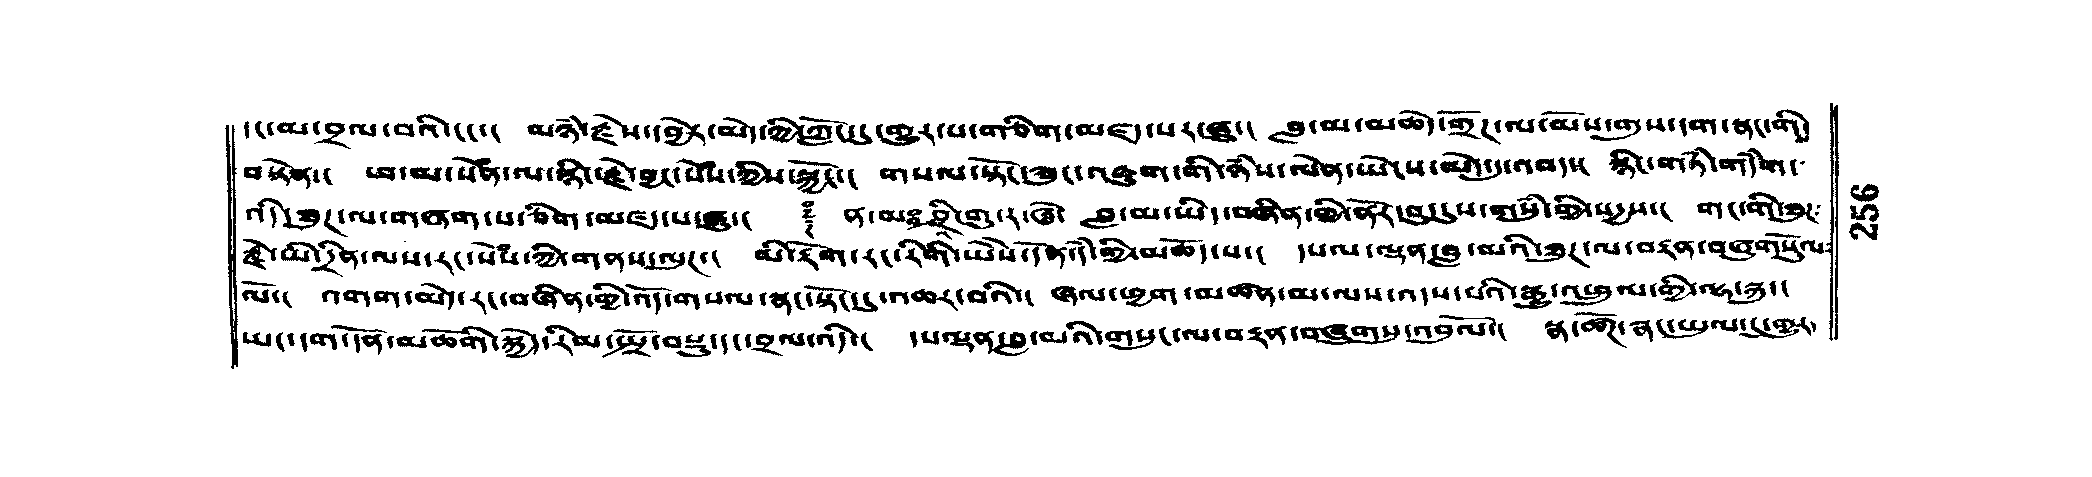དང་མ་བྲལ་བའི་ངང་། །མཉམ་རྗེས་དབྱེར་མེད་ཀྱི་ཀློང་དུ་གྱུར་པ་གཅིག་མཛད་པར་ཞུ། །བླ་མ་མཆེད་གྲོགས་ལ་མོས་གུས་དག་སྣང་གིས་
བསྟེན། །ཕ་མ་སེམས་ཅན་ལ་སྙིང་རྗེ་བྱང་སེམས་ཀྱིས་སྐྱོངས། གསལ་སྟོང་ཟུང་འཇུག་གི་ཉམས་ལེན་ཡེངས་མེད་དུ་འབོད། །སྙིང་གཏམ་གདམས་
ངག་འདི་ཐུགས་ལ་གཞག་པ་ཞིག་མཛད་པར་ཞུ།། ༈ ན་མཿཤྲཱི་གུ་ར་ཝེ། བླ་མ་ཡིད་བཞིན་གྱི་ནོར་བུ་དུས་གསུམ་གྱི་སངས་རྒྱས། །གང་གི་ཐུགས་
རྗེ་ཡི་དྲིན་ལས་རང་སེམས་ཀྱི་གནས་ལུགས། །མི་རྟོག་རང་རིག་གི་ཡེ་ཤེས་དོན་དམ་གྱི་མཆོད་པ། །དཔལ་ལྡན་བླ་མའི་ཐུགས་ལ་བརྟན་བཞུགས་སུ་གསོལ་
ལོ། །འགག་མེད་རང་བཞིན་གྱི་འོད་གསལ་སྣང་སྟོང་དུ་འཆར་བའི། །ཞལ་ཕྱག་མཚན་མ་ལས་འདས་པའི་སྒྱུ་འཕྲུལ་གྱི་ལྷ་སྐུ། །
ཡང་དག་དོན་མཆོག་གི་སྐྱེད་རིམ་སྤྲོ་བསྡུ་དང་བྲལ་འདི། །དཔལ་ལྡན་བླ་མའི་གསུང་ལ་བརྟན་བཞུགས་སུ་འབུལ་ལོ། །སྣ་ཚོགས་སྣང་ཡུལ་དུ་གྱུར་